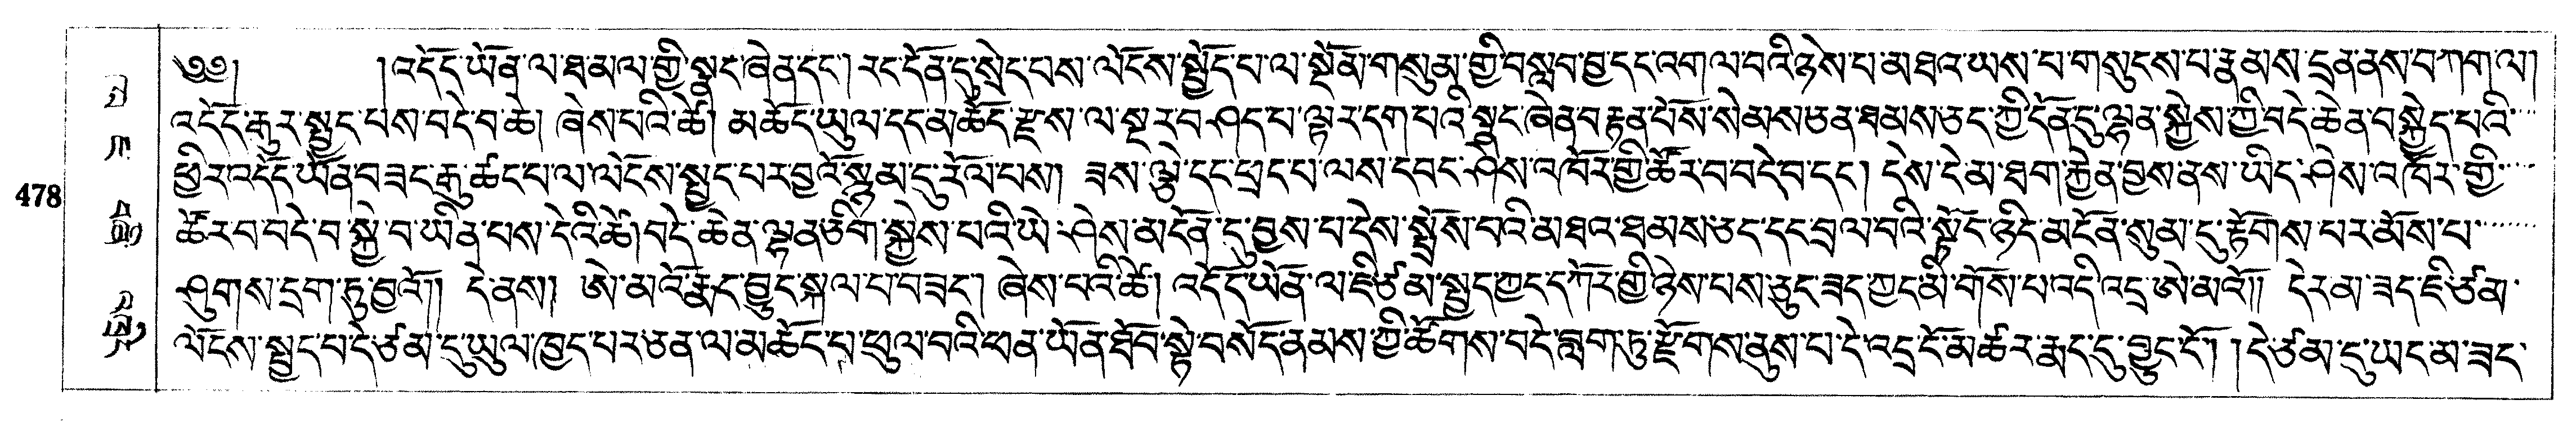༄༅། །འདོད་ཡོན་ལ་ཐ་མལ་གྱི་སྣང་ཞེན་དང་། རང་དོན་དུ་སྲེད་པས་ལོངས་སྤྱོད་པ་ལ་སྡོམ་གསུམ་གྱི་བསླབ་བྱ་དང་འགལ་བའི་ཉེས་པ་མཐའ་ཡས་པ་གསུངས་པ་རྣམས་དྲན་ནས་བཀག་ལ།
འདོད་རྒུར་སྤྱད་པས་བདེ་བ་ཆེ། ཞེས་པའི་ཚེ། མཆོད་ཡུལ་དང་མཆོད་རྫས་ལ་སྔར་བཤད་པ་ལྟར་དག་པའི་སྣང་ཞེན་བརྟན་པོས་སེམས་ཅན་ཐམས་ཅད་ཀྱི་དོན་དུ་ལྷན་སྐྱེས་ཀྱི་བདེ་ཆེན་བསྐྱེད་པའི་
ཕྱིར་འདོད་ཡོན་བཟང་རྒུ་ཚང་པ་ལ་ལོངས་སྤྱད་པར་བྱའོ་སྙམ་དུ་རོལ་པས། ཟས་ལྕེ་དང་ཕྲད་པ་ལས་དབང་ཤེས་འཁོར་གྱི་ཚོར་བ་བདེ་བ་དང་། དེས་དེ་མ་ཐག་རྐྱེན་བྱས་ནས་ཡིད་ཤེས་འཁོར་གྱི་
ཚོར་བ་བདེ་བ་སྐྱེ་བ་ཡིན་པས་དེའི་ཚེ། བདེ་ཆེན་ལྷན་ཅིག་སྐྱེས་པའི་ཡེ་ཤེས་མངོན་དུ་བྱས་པ་དེས་སྤྲོས་པའི་མཐའ་ཐམས་ཅད་དང་བྲལ་བའི་སྟོང་ཉིད་མངོན་སུམ་དུ་རྟོགས་པར་མོས་པ་
ཤུགས་དྲག་ཏུ་བྱའོ། །དེ་ནས། ཨེ་མའོ་རྨད་བྱུང་སྐལ་པ་བཟང་། ཞེས་པའི་ཚེ། འདོད་ཡོན་ལ་ཇི་ཙམ་སྤྱད་ཀྱང་དཀོར་གྱི་ཉེས་པས་ཅུང་ཟད་ཀྱང་མི་གོས་པ་འདི་འདྲ་ཨེ་མའོ། །དེར་མ་ཟད་ཇི་ཙམ་
ལོངས་སྤྱད་པ་དེ་ཙམ་དུ་ཡུལ་ཁྱད་པར་ཅན་ལ་མཆོད་པ་ཕུལ་བའི་ཕན་ཡོན་ཐོབ་སྟེ་བསོད་ནམས་ཀྱི་ཚོགས་བདེ་བླག་ཏུ་རྫོགས་ནུས་པ་དེ་འདྲ་ངོ་མཚར་རྨད་དུ་བྱུང་ངོ། །དེ་ཙམ་དུ་ཡང་མ་ཟད་